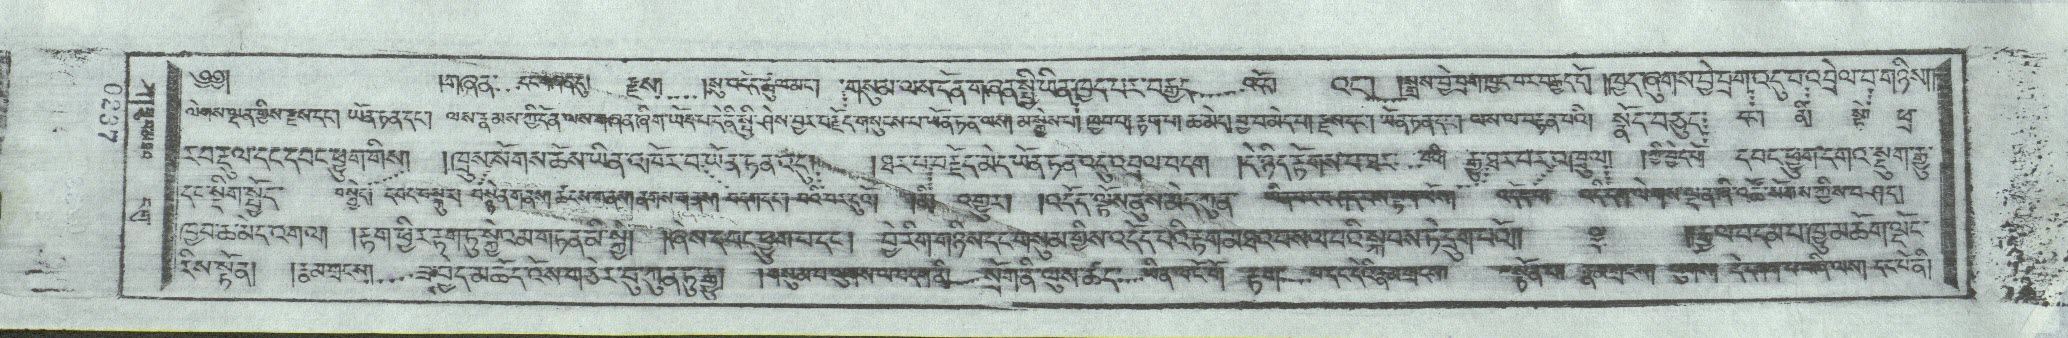༄༅། །གཞན་དང་གཞན་དུ། རྫས། ?་འདོད་ཚུབ་མང་། །གསུམ་ལས་དོན་གཞན་སྤྱི་ཡིན་ཁྱད་པར་བརྒྱད་འདོན། འང་། །སྨྲ་བྱེ་བྲག་ཁྱད་པར་བརྒྱད་དོ། །ཁྱད་ཞུགས་བྱེ་བྲག་འདུ་བ་འབྲེལ་བ་གཉིས་
ལེགས་ལྡན་གྱིས་རྫས་དང་། ཡོན་ཏན་དང་། ལས་རྣམ་ཀྱི་དོན་ལས་གཞན་ནི་རོལ་དེ་ནི་སྦྱིང་། ཤེས་བྱར་བརྗོད་གསུངས་པ་ཡོན་ཏན་ལས། ?་ཁྱབ་པ། རྟག་པ། ཆ་མེད། བྱ་མེད་པ། རྫས་དང་ཡོན་ཏན་པ། ལས་ལ་བརྟན་པའི། སྣོད་བཅུད། བ། ནི། སྟེ་ཕྲ་
རབ་རྡུལ་དང་དབང་ཕྱུག་གིས། །ཁྲུས་སོགས་ཆོས་ཡིན་འཁོར་བ་ཡོན་ཏན་འདུ། །ཐར་པ་བརྗོད་མེད་ཡོན་ཏན་འདུ་འབྲལ་བདག། །དེ་ཉིད་རྟོགས་པ་ཐ་བའི། རྒྱུ་ཐར་བར་འཁྲུལ། །ཀྱི་བྱེ་པ། དབང་ཕྱུག་དགའ་སྡུག་
དང་སྡིག་སྤྱོད་བ་སྐྱེད། དབང་བསྐུར་བསྙེན་གནས། ཚངས་གཞན་ནགས་གནས། བདག་དང་། མི། །འདོད་ལྟོས་ནུས་མེད་ཀུན། ཡིན་པར་བཤད་པས་སྟག་ལོས། འདོད་པ། འདི་དག་ལེགས་ལྡན་ཞི་འཚེ་སོགས་ཀྱིས་བཤད།
ཁྱབ་ཆ་མེད་འགལ། །རྟག་ཕྱིར་རྟག་ཏུ་སྐྱེའམ་གཏན་མི་སྐྱེ། །ཞེས་དབང་ཕྱུག་པ་དང་། བྱེ་རིག་གཉིས་དང་གསུམ་ཀྱིས་འདོད་པའི་རྟག་མཐའ་བསལ་བའི་སྐབས་ཏེ་དྲུག་པའོ།། །།རྒྱལ་བ་དམ་ཁྱུ་མཆོག་ལྡོང?
རིས་སྟོན། །རྣམ་གྲངས། ཟ་བྱེད་མཆོད་འོས་གཅེར་བུ་ཀུན་ཏུ་རྒྱུ། །གསུམ་པ་ལུགས་ལས་བདག་ནི། སྲོག་ནི་ལུས་ཚད་ཡིན་ལ་ངོ་བོ། རྟག་པ་དང་དེའི་རྣམ་གངས། སྟོན་པ་རྣམ་གང་། ལུགས། དེ་དཀག་པ་བཞི་ལས། དང་པོ་ནི་